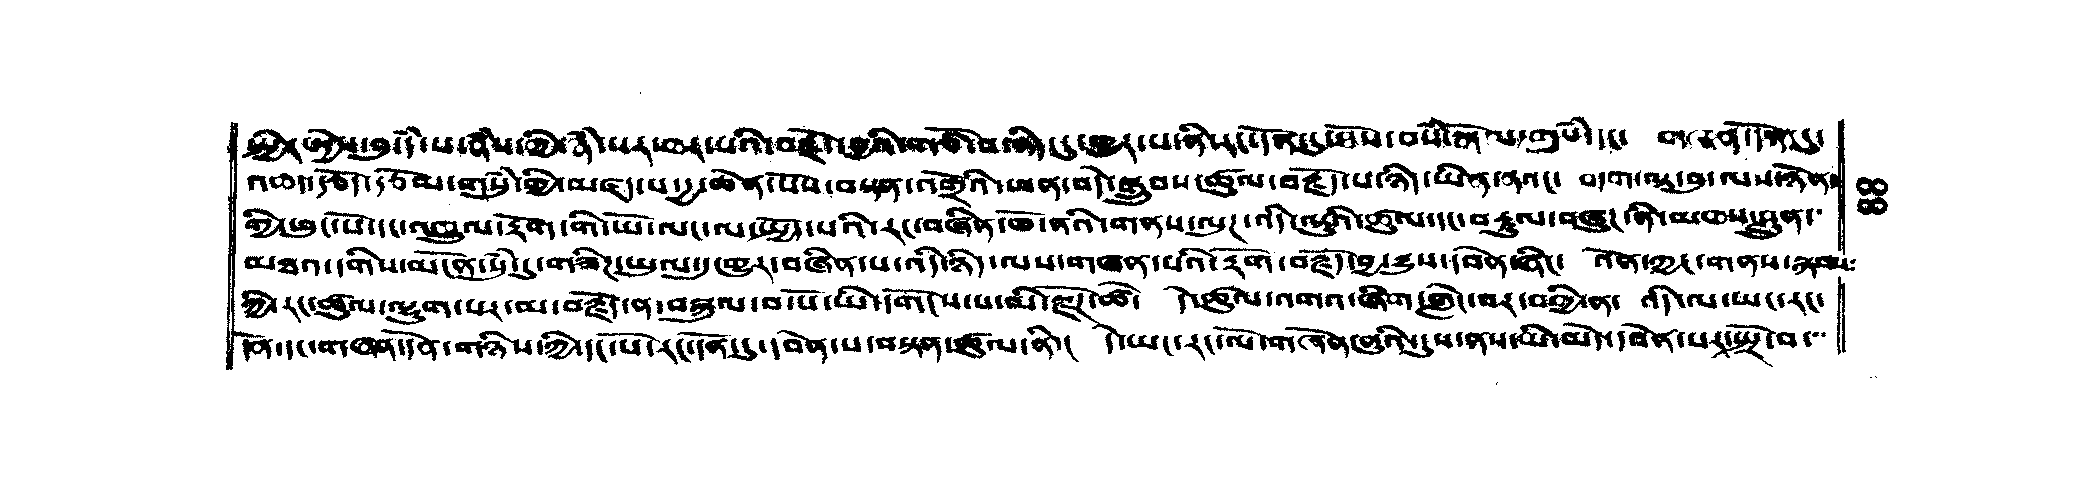སྤྱིར་སྐྱེས་བུ་དམ་པ་རྣམས་ཀྱི་རྣམ་པར་ཐར་པའི་བརྗོད་བྱའི་གཙོ་བོ་ཉིད་དུ་གྱུར་པ་ནི་རང་དོན་དུ་ཐོས་བསམ་སྒོམ་གསུམ་དང་། གཞན་དོན་དུ་
འཆད་རྩོད་རྩོམ་གསུམ་གྱི་མཛད་པ་རྒྱ་ཆེན་པོས་བསྟན་འགྲོའི་ཕན་བདེ་སྒྲུབས་ཚུལ་བརྗོད་པ་ཉིད་ཡིན་ནའང་། བདག་ལྟ་བུ་ལས་ཉོན་
གྱི་ཕུང་པོ་དང་འཁྲུལ་རྟོག་གི་ཡོ་ལང་ལ་སྤྱོད་པའི་རང་བཞིན་ཁོ་ནའི་གནས་ལུགས་འདི་ལྟ་བུའི་ཚུལ་དང་བརྟུལ་ཞུགས་ནི་མཁས་བླུན་
མཐའ་དག་གིས་མངོན་སུམ་དུ་གཟིགས་ཡུལ་དུ་གྱུར་བཞིན་པ་འདི་ཉིད་ལས་གཞན་པའི་རྟོགས་བརྗོད་བྱ་རྒྱུས་དབེན་ཞིང་།འོན་ཀྱང་གནས་སྐབས་
ཀྱི་རང་ཚུལ་ལྷུག་པར་མ་བརྗོད་ན་བསྐུལ་བ་པོ་ཡི་དགོངས་པ་མི་རྫོགས་ཚེ། དེ་ཚུལ་འགའ་ཞིག་གླེང་བར་བགྱི་ན། འདི་ལ་ཡང་རང་
དོན་དང་གཞན་དོན་གཉིས་ཀྱི་དང་པོ་རང་དོན་དུ་དབེན་པ་བསྟན་ཚུལ་ནི། དེ་ཡང་རང་ལོ་གཞོན་ནུའི་དུས་ནས་མི་མེད་དབེན་པར་སྤྲོ་བ་